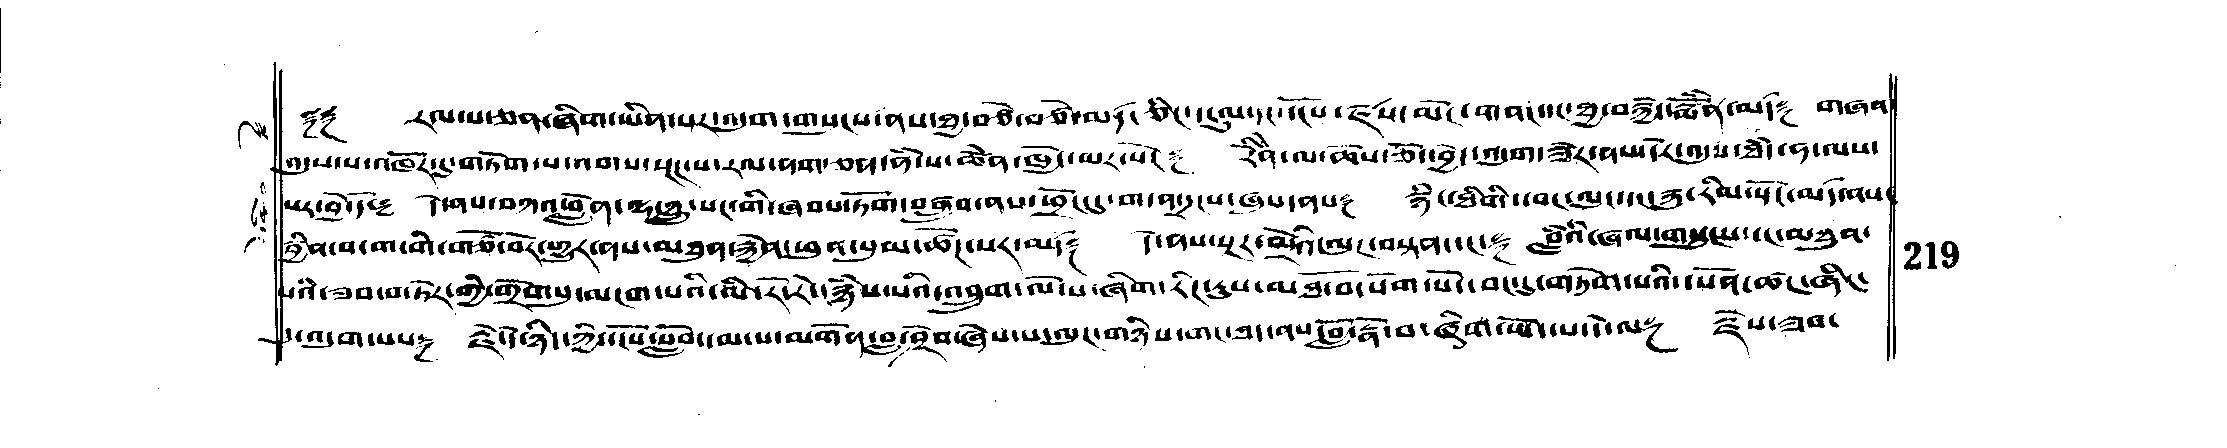རལ་པ་ཅན་ཞིག་ཡིན་པར་འདུག་གསུངས་ནས་ཐུགས་བརྩེ་བརྩེ་མཚད་ཅིང་དངུལ་དང་དངོས་རྫས་མང་པོ་གནང་དང་ཐུགས་བསྐྱེད་སྨོན་ལམ་མཛད། གཞན་
འདུས་པ་འཁོར་དུ་གཏོགས་པ་འགས་སྔགས་པ་རལ་ནག་ཅན་ཧམ་པ་ཆེན་པོ་ཁྱེད་མར་སོང་། རིན་པོ་ཆེ་ལ་ཆོས་ཅོད་བྱེད་འདུག་ཟེར་ནས་དེ་འདུས་ཐམས་ཅད་ཧ་ལས་
པར་བྱེད་དོ། དེ་ནས་བཀའ་བློན་ལྷ་ཀླུ་སང་གི་ཞབས་ཏོག་བསྒྲུབ་ནས་ཕོ་བྲང་དུ་གདན་དྲངས་ཞུས་ནས། སྙིང་ཐིག་གི་དབང་ལུང་དང་སྐུ་རིམ་སོགས་མཛད་ནས་
སྦྱིན་བདག་གི་གཙོ་བོར་གྱུར་ནས་མཐུན་རྐྱེན་ཕུན་སུམ་ཚོགས་པར་མཛད། དེ་ནས་སྔར་མཁའ་འགྲོའི་ལུང་བསྟན་དང་། བླ་མའི་ཞལ་གསུང་དང་མཐུན་
པའི་ཟབ་གཏེར་གྱིས་གྲོགས་སུ་མངག་༼བསྔགས?༽པའི་མི་རོ་༼མོ?༽རེད་སྙམ་པའི་འབྲུག་ལོ་པ་༼མ?༽ཞིག་རིགས་རུས་མཐོ་བ་སོག་པོ་དབང་དུ་གཏོགས་པའི་དཔོན་ཚང་ཞིང་
དུ་འདུག་པས། རྗེ་དེ་ཉིད་ཀྱི་དངོས་སློབ་དམ་པ་མགོན་བླ་ཤེས་རབ་ཞེས་པ་ལུགས་གཉིས་གང་ཐད་ནས་བློ་རྣོ་བ་ཞིག་ཡོད་པ་དེ་ལ། རྗེས་ཟབ་